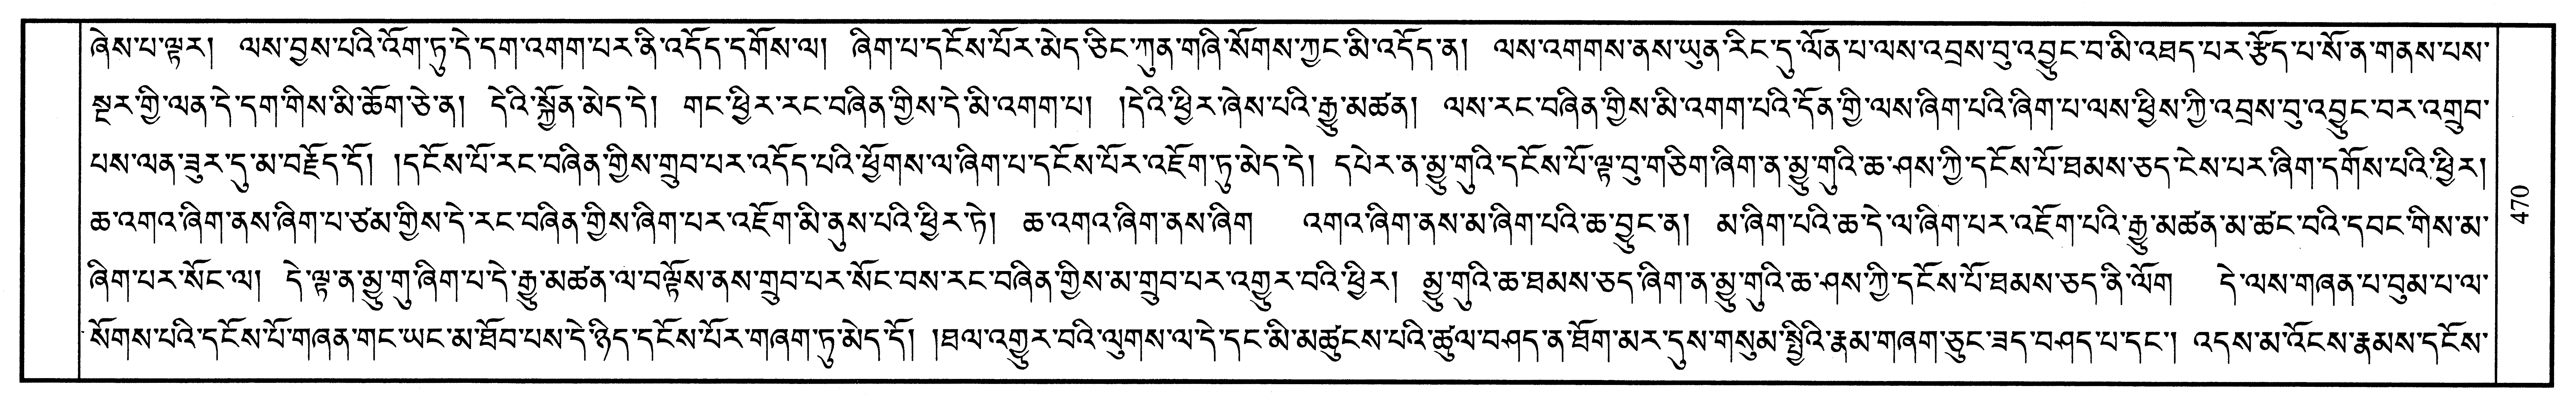ཞེས་པ་ལྟར། ལས་བྱས་པའི་འོག་ཏུ་དེ་དག་འགག་པར་ནི་འདོད་དགོས་ལ། ཞིག་པ་དངོས་པོར་མེད་ཅིང་ཀུན་གཞི་སོགས་ཀྱང་མི་འདོད་ན། ལས་འགགས་ནས་ཡུན་རིང་དུ་ལོན་པ་ལས་འབྲས་བུ་འབྱུང་བ་མི་འཐད་པར་རྩོད་པ་སོ་ན་གནས་པས་
སྔར་གྱི་ལན་དེ་དག་གིས་མི་ཆོག་ཅེ་ན། དེའི་སྐྱོན་མེད་དེ། གང་ཕྱིར་རང་བཞིན་གྱིས་དེ་མི་འགག་པ། །དེའི་ཕྱིར་ཞེས་པའི་རྒྱུ་མཚན། ལས་རང་བཞིན་གྱིས་མི་འགག་པའི་དོན་གྱི་ལས་ཞིག་པའི་ཞིག་པ་ལས་ཕྱིས་ཀྱི་འབྲས་བུ་འབྱུང་བར་འགྲུབ་
པས་ལན་ཟུར་དུ་མ་བརྗོད་དོ། །དངོས་པོ་རང་བཞིན་གྱིས་གྲུབ་པར་འདོད་པའི་ཕྱོགས་ལ་ཞིག་པ་དངོས་པོར་འཇོག་ཏུ་མེད་དེ། དཔེར་ན་མྱུ་གུའི་དངོས་པོ་ལྟ་བུ་གཅིག་ཞིག་ན་མྱུ་གུའི་ཆ་ཤས་ཀྱི་དངོས་པོ་ཐམས་ཅད་ངེས་པར་ཞིག་དགོས་པའི་ཕྱིར།
ཆ་འགའ་ཞིག་ནས་ཞིག་པ་ཙམ་གྱིས་དེ་རང་བཞིན་གྱིས་ཞིག་པར་འཇོག་མི་ནུས་པའི་ཕྱིར་ཏེ། ཆ་འགའ་ཞིག་ནས་ཞིག །འགའ་ཞིག་ནས་མ་ཞིག་པའི་ཆ་བྱུང་ན། མ་ཞིག་པའི་ཆ་དེ་ལ་ཞིག་པར་འཇོག་པའི་རྒྱུ་མཚན་མ་ཚང་བའི་དབང་གིས་མ་
ཞིག་པར་སོང་ལ། དེ་ལྟ་ན་མྱུ་གུ་ཞིག་པ་དེ་རྒྱུ་མཚན་ལ་བལྟོས་ནས་གྲུབ་པར་སོང་བས་རང་བཞིན་གྱིས་མ་གྲུབ་པར་འགྱུར་བའི་ཕྱིར། མྱུ་གུའི་ཆ་ཐམས་ཅད་ཞིག་ན་མྱུ་གུའི་ཆ་ཤས་ཀྱི་དངོས་པོ་ཐམས་ཅད་ནི་ལོག །དེ་ལས་གཞན་པ་བུམ་པ་ལ་
སོགས་པའི་དངོས་པོ་གཞན་གང་ཡང་མ་ཐོབ་པས་དེ་ཉིད་དངོས་པོར་གཞག་ཏུ་མེད་དོ། །ཐལ་འགྱུར་བའི་ལུགས་ལ་དེ་དང་མི་མཚུངས་པའི་ཚུལ་བཤད་ན་ཐོག་མར་དུས་གསུམ་སྤྱིའི་རྣམ་གཞག་ཅུང་ཟད་བཤད་པ་དང་། འདས་མ་འོངས་རྣམས་དངོས་